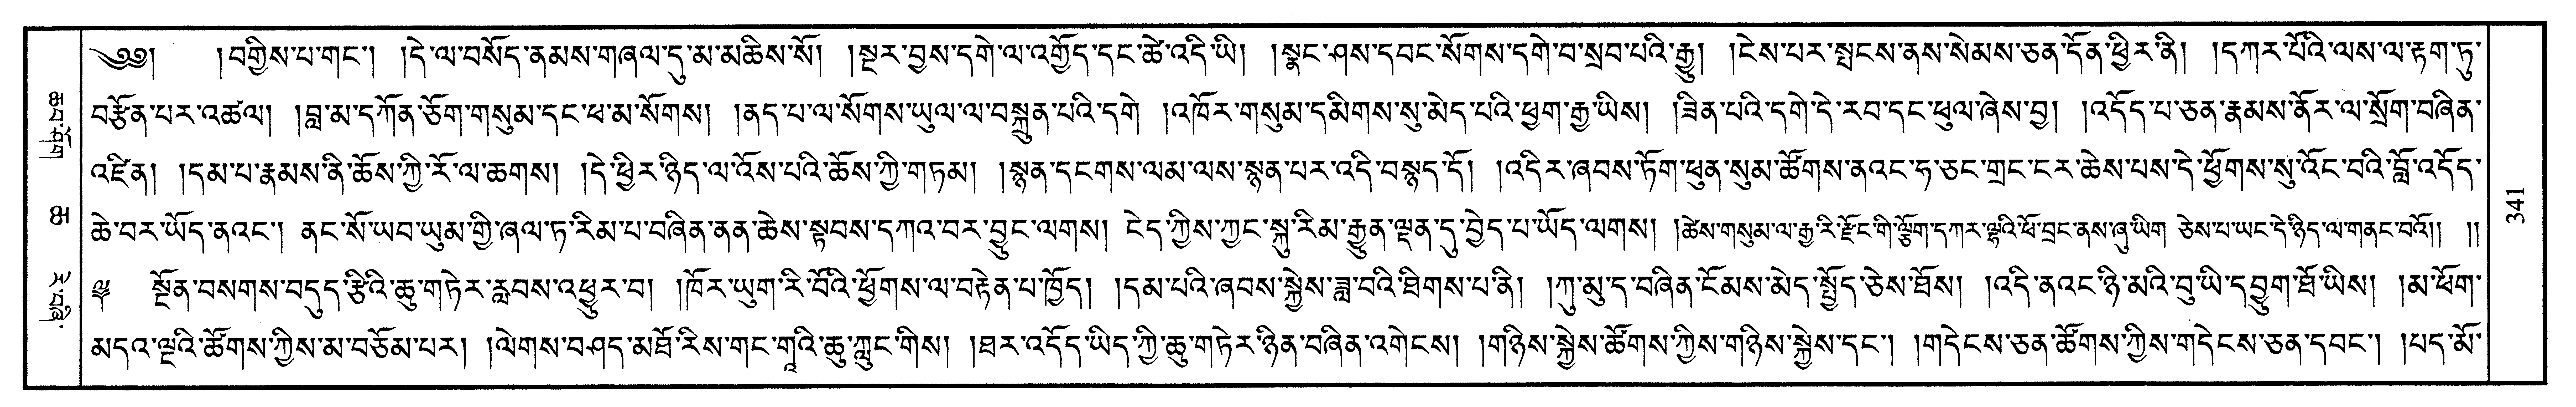༄༅། །བགྱིས་པ་གང་། །དེ་ལ་བསོད་ནམས་གཞལ་དུ་མཆིས་སོ། །སྔར་བྱས་དགེ་ལ་འགྱོད་དང་ཚེ་འདི་ཡི། །སྣང་ཤས་དབང་སོགས་དགེ་བ་སྲབ་པའི་རྒྱུ། །ངེས་པར་སྤངས་ནས་སེམས་ཅན་དོན་ཕྱིར་ནི། །དཀར་པོའི་ལས་ལ་རྟག་ཏུ་
བརྩོན་པར་འཚལ། །བླ་མ་དཀོན་ཅོག་གསུམ་དང་ཕ་མ་སོགས། །ནད་པ་ལ་སོགས་ཡུལ་ལ་བསྐྲུན་པའི་དགེ །འཁོར་གསུམ་དམིགས་སུ་མེད་པའི་ཕྱག་རྒྱ་ཡིས། །ཟིན་པའི་དགེ་དེ་རབ་དང་ཕུལ་ཞེས་བྱ། །འདོད་པ་ཅན་རྣམས་ནོར་ལ་སྲོག་བཞིན་
འཛིན། །དམ་པ་རྣམས་ནི་ཆོས་ཀྱི་རོ་ལ་ཆགས། །དེ་ཕྱིར་ཉིད་ལ་འོས་པའི་ཆོས་ཀྱི་གཏམ། །སྙན་དངགས་ལམ་ལས་སྙན་པར་འདི་བསྙད་དོ། །འདིར་ཞབས་ཏོག་ཕུན་སུམ་ཚོགས་ནའང་ཧ་ཅང་གྲང་ངར་ཆེས་པས་དེ་ཕྱོགས་སུ་འོང་བའི་བློ་འདོད་
ཆེ་བར་ཡོད་ནའང་། ནང་སོ་ཡབ་ཡུམ་གྱི་ཞལ་ཏ་རིམ་པ་བཞིན་ནན་ཆེས་སྟབས་དཀའ་བར་བྱུང་ལགས། ངེད་ཀྱིས་ཀྱང་སྐུ་རིམ་རྒྱུན་ལྡན་དུ་བྱེད་པ་ཡོད་ལགས། །ཚེས་གསུམ་ལ་རྒྱ་རི་རྫོང་གི་ལྕོག་དཀར་ལྷའི་ཕོ་བྲང་ནས་ཞུ་ཡིག་ཅེས་པ་ཡང་དེ་ཉིད་ལ་གནང་བའོ།། །།
༈ སྔོན་བསགས་བདུད་རྩིའི་ཆུ་གཏེར་རླབས་འཕྱུར་བ། །ཁོར་ཡུག་རི་བོའི་ཕྱོགས་ལ་བརྟེན་པ་ཁྱོད། །དམ་པའི་ཞབས་སྐྱེས་ཟླ་བའི་ཐིགས་པ་ནི། །ཀུ་མུ་ད་བཞིན་ངོམས་མེད་སྤྱོད་ཅེས་ཐོས། །འདི་ནའང་ཉི་མའི་བུ་ཡི་དབྱུག་ཐོ་ཡིས། །མ་ཕོག་
མདའ་ལྔའི་ཚོགས་ཀྱིས་མ་བཅོམ་པར། །ལེགས་བཤད་མཐོ་རིས་གང་གཱའི་ཆུ་ཀླུང་གིས། །ཐར་འདོད་ཡིད་ཀྱི་ཆུ་གཏེར་ཉིན་བཞིན་འགེངས། །གཉིས་སྐྱེས་ཚོགས་ཀྱིས་གཉིས་སྐྱེས་དང་། །གདེངས་ཅན་ཚོགས་ཀྱིས་གདེངས་ཅན་དབང་། །པད་མོ་